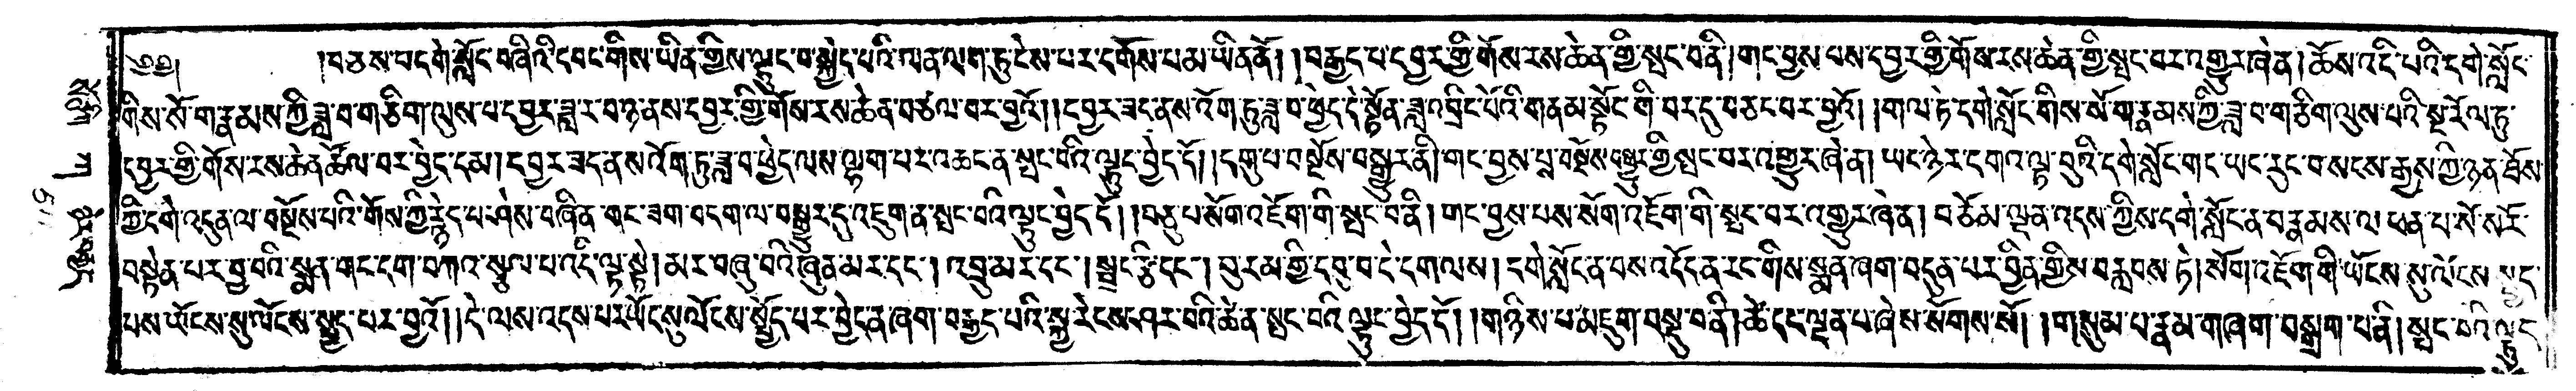༄༅། །བཅས་པ་དགེ་སློང་བཞིའི་དབང་གིས་ཡིན་གྱིས་ལྟུང་བ་སྐྱེད་པའི་ལན་ལག་ཏུ་ངེས་པར་དགོས་པ་མ་ཡིན་ནོ། །བརྒྱད་པ་དབྱར་གྱི་གོས་རས་ཆེན་གྱི་སྤང་བ་ནི། གང་བྱས་པས་དབྱར་གྱི་གོས་རས་ཆེན་གྱི་སྤང་བར་འགྱུར་ཞེ་ན། ཆོས་འདི་པའི་དགེ་སློང་
གིས་སོ་ག་རྣམས་ཀྱི་ཟླ་བ་གཅིག་ལུས་པ་དབྱར་ཟླ་ར་བ་ཉ་ནས་དབྱར་གྱི་གོས་རས་ཆེན་བཙལ་བར་བྱའོ། །དབྱར་ཟང་ནས་འོག་ཏུ་ཟླ་བ་ཕྱེད་དེ་སྟོན་ཟླ་འབྲིང་པོའི་གནམ་སྟོང་གི་བར་དུ་བཅང་བར་བྱའོ། །གལ་ཏེ་དགེ་སློང་གིས་སོ་ག་རྣམས་ཀྱི་ཟླ་བ་གཅིག་ལུས་པའི་སྔ་རོལ་ཏུ་
དབྱར་གྱི་གོས་རས་ཆེན་ཚོལ་བར་བྱེད་དམ། དབྱར་ཟད་ནས་འོག་ཏུ་ཟླ་བ་ཕྱེད་ལས་ལྷག་པར་འཆང་ན་སྤང་བའི་ལྟུང་བྱེད་དོ། །དགུ་པ་བསྔོས་བསྒྱུར་ནི། གང་བྱས་པས་བསྔོས་བསྒྱུར་གྱི་སྤང་བར་འགྱུར་ཞེ་ན། ཡང་ཉེར་དགའ་ལྟ་བུའི་དགེ་སློང་གང་ཡང་རུང་བ་སངས་རྒྱས་ཀྱི་ཉན་ཐོས་
ཀྱི་དགེ་འདུན་ལ་བསྔོས་པའི་གོས་ཀྱི་རྙེད་པ་ཤེས་བཞིན་གང་ཟག་བདག་ལ་བསྒྱུར་དུ་འཇུག་ན་སྤང་བའི་ལྟུང་བྱེད་དོ། །བཅུ་པ་སོག་འཇོག་གི་སྤང་བ་ནི། གང་བྱས་པས་སོག་འཇོག་གི་སྤང་བར་འགྱུར་ཞེ་ན། བཅོམ་ལྡན་འདས་ཀྱིས་དགེ་སློང་ན་བརྣམས་ལ་ཕན་པ་སོ་སོར་
བསྟེན་པར་བྱ་བའི་སྨན་གང་དག་བཀའ་སྩལ་པ་འདི་ལྟ་སྟེ། མར་བཞུ་བའི་ཞུན་མར་དང་། འབྲུ་མར་དང་། སྦྲང་རྩི་དང་། བུ་རམ་གྱི་དབུ་བ་དེ་དག་ལས། དགེ་སློང་ན་བས་འདོད་ན་རང་གིས་སྨན་ཞག་བདུན་པར་བྱིན་གྱིས་བརླབས་ཏེ། སོག་འཇོག་གི་ཡོངས་སུ་ལོངས་སྤྱད་
པས་ཡོངས་སུ་ལོངས་སྤྱད་པར་བྱའོ། །དེ་ལས་འདས་པར་ཡོང་སུ་ལོངས་སྤྱོད་པར་བྱེད་ན་ཞག་བརྒྱད་པའི་སྐྱ་རེངས་ཤར་བའི་ཚེ་ན་སྤང་བའི་ལྟུང་བྱེད་དོ། །གཉིས་པ་མཇུག་བསྡུ་བ་ནི། ཚེ་དང་ལྡན་པ་ཞེས་སོགས་སོ། །གསུམ་པ་རྣམ་གཞག་བསྒྲག་པ་ནི། སྤང་བའི་ལྟུང་